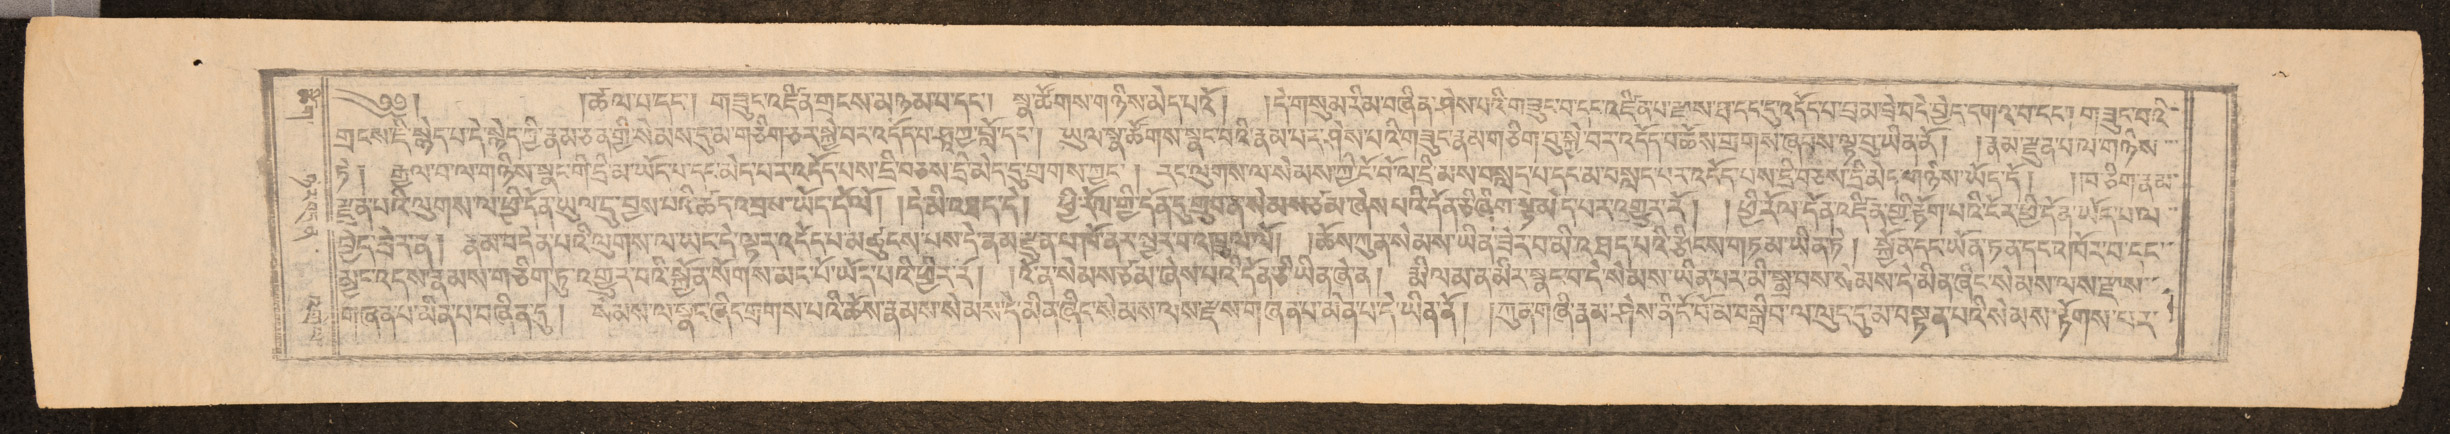༄༅། །ཚལ་པ་དང་། གཟུང་འཛིན་གྲངས་མཉམ་པ་དང་། སྣ་ཚོགས་གཉིས་མེད་པའོ། །དེ་གསུམ་རིམ་བཞིན་ཤེས་པའི་གཟུང་བ་དང་འཛིན་པ་རྫས་ཐ་དང་དུ་འདོད་པ་བྲམ་ཟེ་བདེ་བྱེད་དགའ་བ་དང་། གཟུང་བའི་
གྲངས་ཇི་སྙེད་པ་དེ་སྙེད་ཀྱི་རྣམ་ཅན་གྱི་སེམས་དུ་མ་གཅིག་ཅར་སྐྱེ་བར་འདོད་པ་ཤཱཀྱ་བློ་དང་། ཡུལ་སྣ་ཚོགས་སྣང་བའི་རྣམ་པར་ཤེས་པའི་གཟུང་རྣམ་གཅིག་བུ་སྐྱེ་བར་འདོད་པ་ཆོས་གྲགས་ཞབས་ལྟ་བུ་ཡིན་ནོ། །རྣམ་རྫུན་པ་ལ་གཉིས་
ཏེ། རྒྱལ་བ་ལ་གཉིས་སྣང་གི་དྲི་མ་ཡོད་པ་དང་མེད་པར་འདོད་པས་དྲི་བཅས་དྲི་མེད་དུ་གྲགས་ཀྱང་། རང་ལུགས་ལ་སེམས་ཀྱི་ངོ་བོ་ལ་དྲི་མས་བསླད་པ་དང་མ་བསླད་པར་འདོད་པས་དྲི་བཅས་དྲི་མེད་གཉིས་ཡོད་དོ། །ཁ་ཅིག་རྣམ་
རྫུན་པའི་ལུགས་ལ་ཕྱི་དོན་ཡུལ་དུ་བྱས་པའི་ཚད་འབྲས་ཡོད་དོ་ལོ། །དེ་མི་འཐད་དེ། ཕྱི་རོལ་གྱི་དོན་དུ་གྲུབ་ན་སེམས་ཙམ་ཞེས་པའི་དོན་ཅི་ཞིག་སྟེ་མེད་པར་འགྱུར་རོ། །ཕྱི་རོལ་དོན་འཛིན་གྱི་རྟོག་པའི་ངོར་ཕྱི་དོན་ཡོད་པ་ལ་
བྱེད་ཟེར་ན། རྣམ་བདེན་པའི་ལུགས་ལ་ཡང་དེ་ལྟར་འདོད་པ་མཚུངས་པས་དེ་རྣམ་ཛུན་པ་ཁོ་ནར་སྦྱར་བ་འཁྲུལ་ལོ། །ཆོས་ཀུན་སེམས་ཡིན་ཟེར་བ་མི་འཐད་པའི་རྩིངས་གཏམ་ཡིན་ཏེ། སྐྱོན་དང་ཡོན་ཏན་དང་འཁོར་བ་དང་
མྱང་འདས་རྣམས་གཅིག་ཏུ་འགྱུར་བའི་སྐྱོན་སོགས་མང་པོ་ཡོད་པའི་ཕྱིར་རོ། །འོ་ན་སེམས་ཙམ་ཞེས་པའི་དོན་ཅི་ཡིན་ཞེ་ན། རྨི་ལམ་ན་མིར་སྣང་བ་དེ་སེམས་ཡིན་པར་མི་སྨྲ་བས་སེམས་དེ་མིན་ཞིང་སེམས་ལས་རྫས་
གཞན་པ་མིན་པ་བཞིན་དུ། སེམས་ལ་སྣང་ཞིང་གྲགས་པའི་ཆོས་རྣམས་སེམས་དེ་མིན་ཞིང་སེམས་ལས་རྫས་གཞན་པ་མེན་པ་དེ་ཡིན་ནོ། །ཀུན་གཞི་རྣམ་ཤེས་ནི་ངོ་བོ་མ་བསྒྲིབ་ལ་ལུང་དུ་མ་བསྟན་པའི་སེམས་རྟོགས་པར་